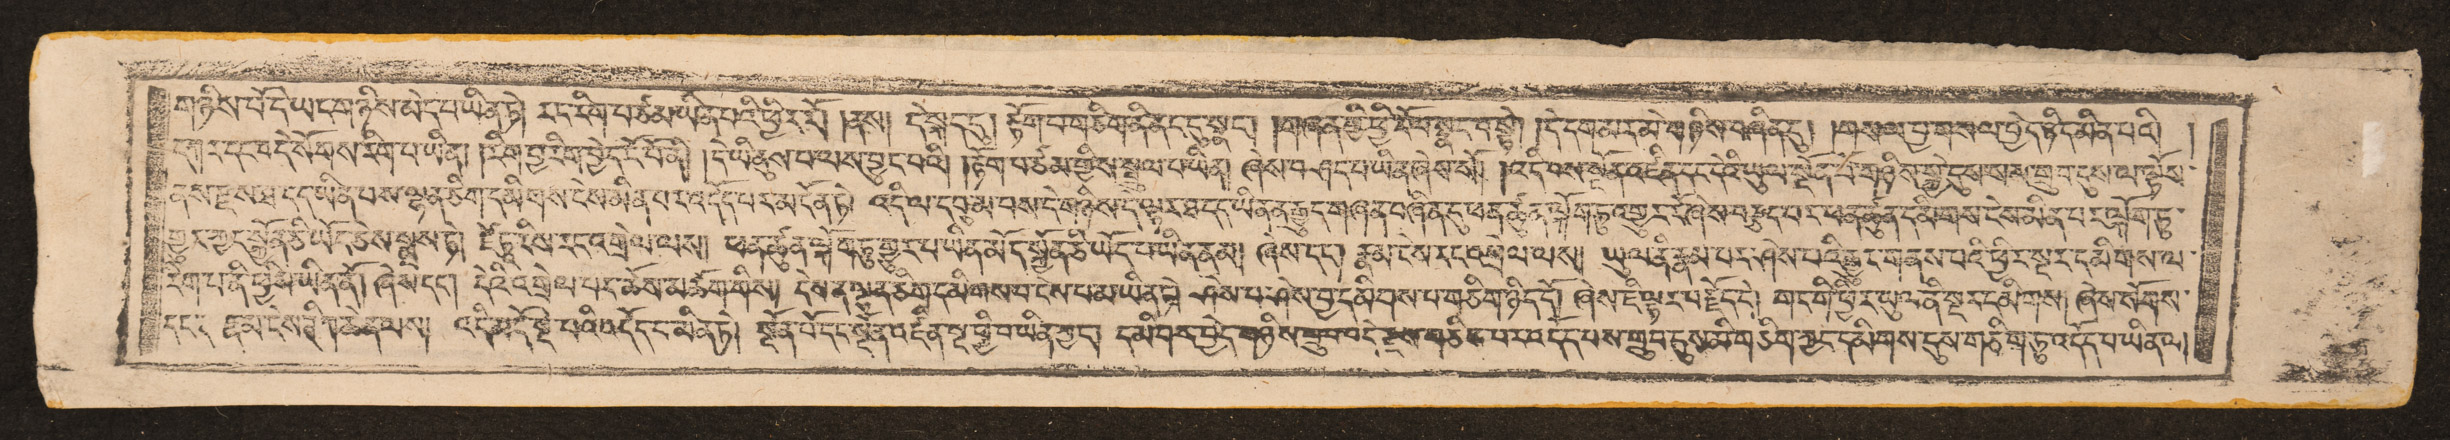གཉིས་པོ་དེ་ཡང་གཉིས་མེད་པ་ཡིན་ཏེ། རང་རིག་པ་ཙམ་ཡིན་པའི་ཕྱིར་རོ། །ནས། དེ་སྐད་དུ། རྟོག་པ་གཅིག་ནི་ནང་དུ་སྣང་། །གཞན་གྱི་ཕྱི་རོལ་སྣང་བ་སྟེ། །དེ་དག་མར་མེ་གཉིས་བཞིན་དུ། །གསལ་བྱ་གསལ་བྱེད་ཉིད་མིན་པའི། །
དཀར་དང་བདེ་སོགས་རིག་པ་ཡིན། །རིག་བྱ་རིག་བྱེད་ངོ་བོ་ནི། །དེ་ཡི་ནུས་པ་ལས་བྱུང་བའི། །རྟོག་པ་ཙམ་གྱིས་སྤྲུལ་པ་ཡིན། ཞེས་བཤད་པ་ཡིན་ཞེས་སོ། །འདི་བས་སྔོན་འཛིན་དང་དེའི་ཡུལ་སྔོན་པོ་གཉིས་སྐྱེ་དུས་སམ་གྲུབ་དུས་ལ་ལྟོས་
ནས་རྫས་ཐ་དད་ཡིན་པས་ལྷན་ཅིག་དམིགས་ངེས་མིན་པར་འདོད་པར་མངོན་ཏེ། འདི་ལ་དབུ་མ་བས་དེ་གཉིས་དེ་ལྟར་ཐ་དད་ཡིན་ན་རྒྱུད་གཞན་བཞིན་དུ་ཕན་ཚུན་ལྐོག་ཏུ་འགྱུར་རོ་ཞེས་བརྩད་པར་ཕན་ཚུན་དམིགས་ངེས་མིན་པར་ལྐོག་ཏུ་
གྱུར་ཀྱང་སྐྱོན་ཅི་ཡོད་ཅེས་སྨྲས་ཏེ། ཛེ་ཏཱ་རིས་རང་འགྲེལ་ལས། ཕན་ཚུན་ལྐོག་ཏུ་གྱུར་པ་ཡིན་མོད་སྐྱོན་ཅི་ཡོད་པ་ཡིན་ནམ། ཞེས་དང་། རྣམ་ངེས་རང་འགྲེལ་ལས། ཡུལ་ནི་རྣམ་པར་ཤེས་པའི་རྒྱུར་གནས་པའི་ཕྱིར་སྔར་དམིགས་ལ་
རིག་པ་ནི་ཕྱིས་ཡིན་ནོ། ཞེས་དང་། དེའི་འགྲེལ་པར་ཆོས་མཆོག་གིས། དེས་ན་ལྷན་ཅིག་དམིགས་པ་ངེས་པ་མ་ཡིན་ཏེ། ཤེས་པ་ཤེས་བྱ་དམིགས་པ་གཅིག་ཉིད་དོ། ཞེས་ཇི་ལྟར་བརྗོད་དེ། གང་གི་ཕྱིར་ཡུལ་ནི་སྔར་དམིགས། ཞེས་སོགས་
དང༑ རྣམ་ངེས་ཊིཀ་ཆེན་ལས། འདི་མདོ་སྡེ་པའི་འདོད་པ་མིན་ཏེ། སྔོན་པོ་དང་སྔོན་འཛིན་སྔ་ཕྱི་བ་ཡིན་ཀྱང་། དམིགས་བྱེད་གཉིས་གྲུབ་བདེ་རྫས་གཅིག་པར་འདོད་པས་གྲུབ་དུས་མི་གཅིག་ཀྱང་དམིགས་དུས་གཅིག་ཏུ་འདོད་པ་ཡིན་ལ།